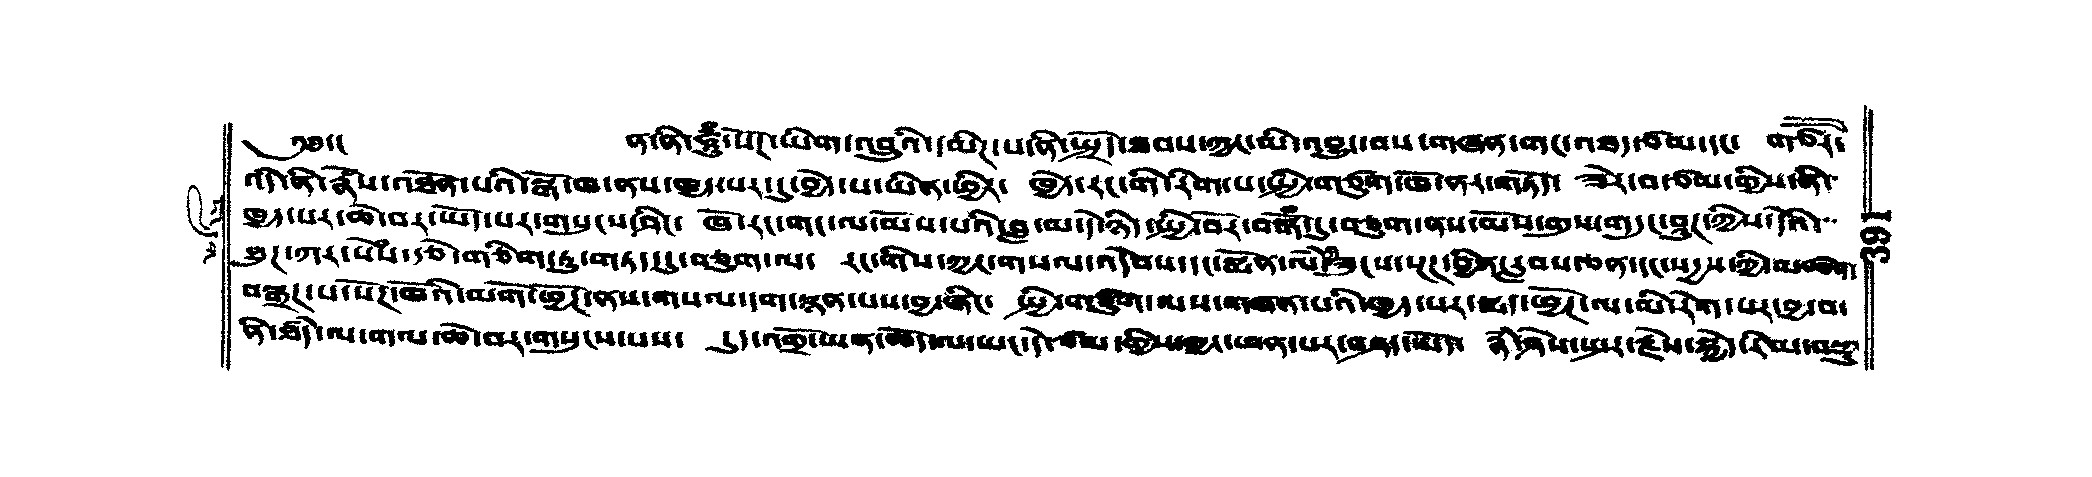ན་ནི་ཧཱུྃ་སོགས་ཡིག་འབྲུའི་དམིགས་པ་ནི་སྤྲོད་ཐབས་ཀྱང་མི་འབྱུང་བས་གཞན་གང་འཐད་ཙམ་དང་། གཙོ་བོར་
འདི་ནི་རྣམ་ཤེས་འཐོན་པའི་སྒོ་ཁ་ནས་ཁྱད་པར་དུ་བྱེད་པ་ཡིན་ཕྱིར། ཁྱེད་རང་གི་རིག་པ་སྤྱི་གཙུག་ཁོ་ནར་གཏོད། ཟེར་བ་ཙམ་གྱིས་ནི་
ཁྱད་པར་ཆེ་བར་ཡོད་པར་གསུངས་ཤིང་། ཁོ་རང་གང་ལ་མོས་པའི་བླ་མ་དེ་ཉིད་སྤྱི་བོར་བསྒོམ་དུ་བཅུག་ནས་མོས་གུས་གདུང་ཤུགས་ཀྱིས་དེའི་
ཐུགས་ཀར་སེམས་རྩེ་གཅིག་ཏུ་གཏད་དུ་བཅུག་ལ། རང་གིས་ཀྱང་གསོལ་འདེབས་དང་སྨོན་ལམ་གཟུངས་སྔགས་བྱིན་རླབས་ཅན་དང་སངས་རྒྱས་ཀྱི་མཚན་
བསྒྲགས་པ་སོགས་ཁོའི་མགོ་ཕྱོགས་ནས་གསལ་དག་སྙན་པས་བྱ་ཞིང་། སྤྱི་གཙུག་ལས་གཞན་པའི་ཁྱད་པར་སྨད་ཕྱོགས་ལ་མི་རེག་པར་བྱ་བ་
ནི་ཐམས་ཅད་ལ་གལ་ཆེ་བར་གསུངས་པས། དུད་འགྲོ་ཡན་ཆོད་ལ་ཡང་དེ་ཙམ་གྱིས་ཀྱང་ཕན་པར་བཤད་ཡོད། རྣམ་ཤེས་སྤར་རྗེས་བསྐྱེད་རིམ་བསྡུ་